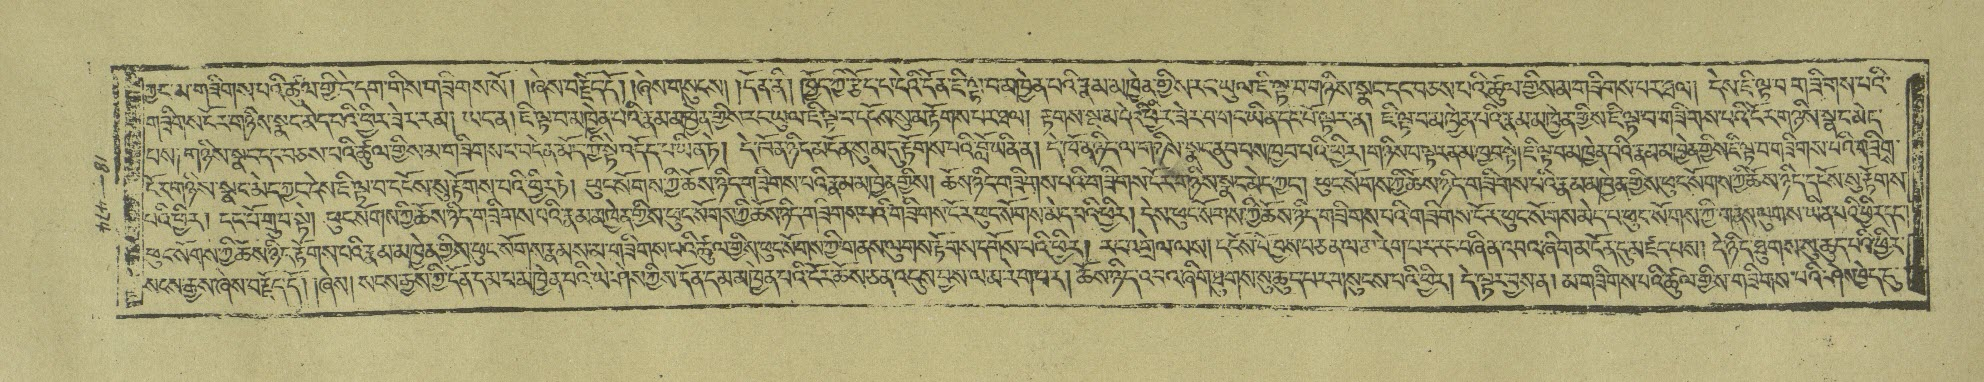ཀྱང་མ་གཟིགས་པའི་ཚུལ་གྱི་དེ་དག་གིས་གཟིགས་སོ། །ཞེས་བརྗོད་དོ། །ཞེས་གསུངས། །དོན་ནི། ཁྱོད་ཀྱི་རྩོད་པ་དེའི་དོན་ཇི་ལྟ་བ་མཁྱེན་པའི་རྣམ་མཁྱེན་གྱིས་རང་ཡུལ་ཇི་ལྟ་བ་གཉིས་སྣང་དང་བཅས་པའི་ཚུལ་གྱིས་མ་གཟིགས་པར་ཐལ། དེས་ཇི་ལྟ་བ་གཟིགས་པའི་
གཟིགས་ངོར་གཉིས་སྣང་མེད་པའི་ཕྱིར་ཟེར་རམ། ཡང་ན། ཇི་ལྟ་བ་མཁྱེན་པའི་རྣམ་མཁྱེན་གྱིས་རང་ཡུལ་ཇི་ལྟ་བ་དངོས་སུ་མ་རྟོགས་པར་ཐལ། རྟགས་སྔ་མ་དེའི་ཕྱིར་ཟེར་བ་གང་ཡིན་དང་པོ་ལྟར་ན། ཇི་ལྟ་བ་མཁྱེན་པའི་རྣམ་མཁྱེན་གྱིས་ཇི་ལྟ་བ་གཟིགས་པའི་ངོར་གཉིས་སྣང་མེད་
པས། གཉིས་སྣང་དང་བཅས་པའི་ཚུལ་གྱིས་མ་གཟིགས་པ་བདེན་མོད་ཀྱི་སྟེ་འདོད་པ་ཡིན་ཏེ། དེ་ཁོ་ན་ཉིད་མངོན་སུམ་དུ་རྟོགས་པའི་བློ་ཡིན་ན། དེ་ཁོ་ན་ཉིད་ལ་གཉིས་སྣང་ནུབ་པས་ཁྱབ་པའི་ཕྱིར། གཉིས་པ་ལྟར་ན་མ་ཁྱབ་སྟེ། ཇི་ལྟ་བ་མཁྱེན་པའི་རྣམ་མཁྱེན་གྱིས་ཇི་ལྟ་བ་གཟིགས་པའི་གཟིགས་
ངོར་གཉིས་སྣང་མེད་ཀྱང་དེས་ཇི་ལྟ་བ་དངོས་སུ་རྟོགས་པའི་ཕྱིར་ཏེ། ཕུང་སོགས་ཀྱི་ཆོས་ཉིད་གཟིགས་པའི་རྣམ་མཁྱེན་གྱིས། ཆོས་ཉིད་གཟིགས་པའི་གཟིགས་ངོར་གཉིས་སྣང་མེད་ཀྱང་། ཕུང་སོགས་ཀྱི་ཆོས་ཉིད་གཟིགས་པའི་རྣམ་མཁྱེན་གྱིས་ཕུང་སོགས་ཀྱི་ཆོས་ཉིད་དངོས་སུ་རྟོགས་
པའི་ཕྱིར། དང་པོ་གྲུབ་སྟེ། ཕུང་སོགས་ཀྱི་ཆོས་ཉིད་གཟིགས་པའི་རྣམ་མཁྱེན་གྱིས་ཕུང་སོགས་ཀྱི་ཆོས་ཉིད་གཟིགས་པའི་གཟིགས་ངོར་ཕུང་སོགས་མེད་པའི་ཕྱིར། དེས་ཕུང་སོགས་ཀྱི་ཆོས་ཉིད་གཟིགས་པའི་གཟིགས་ངོར་ཕུང་སོགས་མེད་པ་ཕུང་སོགས་ཀྱི་གནས་ལུགས་ཡིན་པའི་ཕྱིར་དང་
ཕུང་སོགས་ཀྱི་ཆོས་ཉིད་རྟོགས་པའི་རྣམ་མཁྱེན་གྱིས་ཕུང་སོགས་རྣམས་མ་གཟིགས་པའི་ཚུལ་གྱིས་ཕུང་སོགས་ཀྱི་གནས་ལུགས་རྟོགས་དགོས་པའི་ཕྱིར། རང་འགྲེལ་ལས། དངོས་པོ་བྱས་པ་ཅན་ལ་མ་རེག་པར་རང་བཞིན་འབའ་ཞིག་མངོན་དུ་མཛད་པས། དེ་ཉིད་ཐུགས་སུ་ཆུད་པའི་ཕྱིར་
སངས་རྒྱས་ཞེས་བརྗོད་དོ། །ཞེས། སངས་རྒྱས་ཀྱི་དོན་དམ་པ་མཁྱེན་པའི་ཡེ་ཤེས་ཀྱིས་དོན་དམ་མཁྱེན་པའི་ངོར་ཆོས་ཅན་འདུས་བྱས་ལ་མ་རེག་པར། ཆོས་ཉིད་འབའ་ཞིག་ཐུགས་སུ་ཆུད་པར་གསུངས་པའི་ཕྱིར། དེ་ལྟར་བྱས་ན། མ་གཟིགས་པའི་ཚུལ་གྱིས་གཟིགས་པའི་ཤེས་བྱེད་དུ་